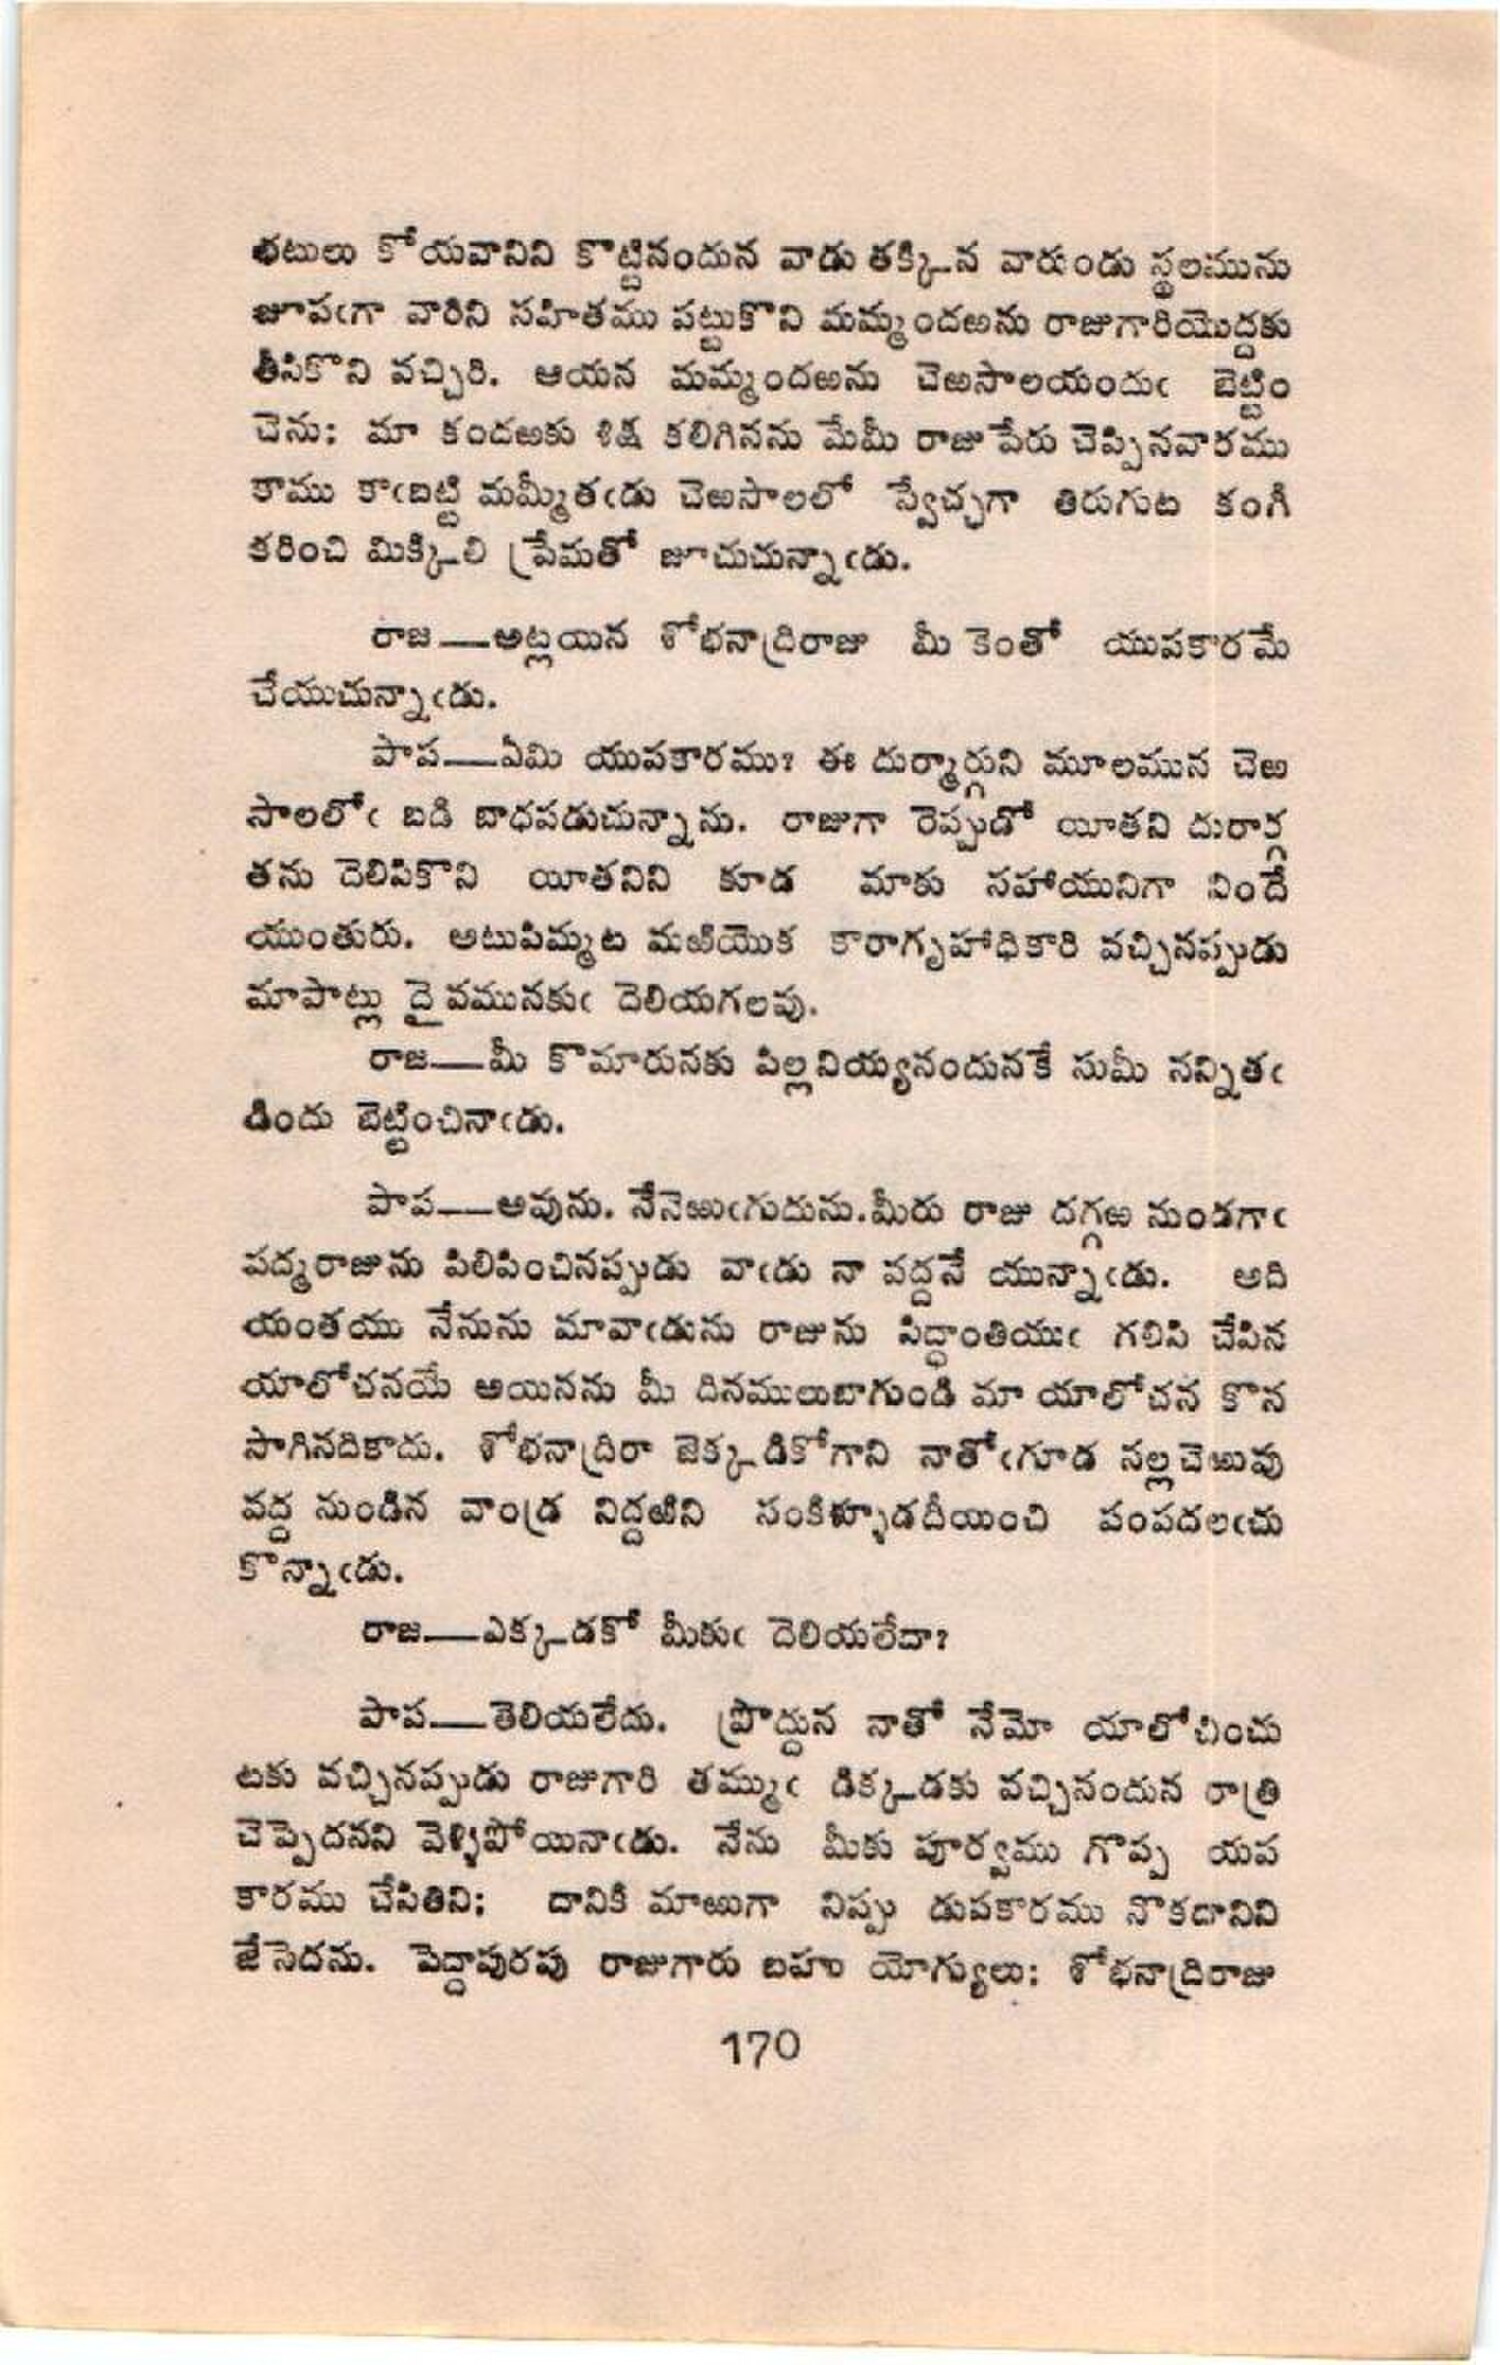భటులు కోయవానిని కొట్టినందున వాడు తక్కిన వారుండు స్థలమును జూపఁగా వారిని సహితము పట్టుకొని మమ్మందఱను రాజుగారియొద్దకు తీసికొని వచ్చిరి. ఆయన మమ్మందఱను చెఱసాలయందుఁ బెట్టించెను; మా కందఱకు శిక్ష కలిగినను మేమీ రాజు పేరు చెప్పినవారము కాము కాబట్టి మమ్మీతఁడు చెఱసాలలో స్వేచ్చగా తిరుగుట కంగీ కరించి మిక్కిలి ప్రేమతో జూచుచున్నాడు.

రాజ__అట్లయిన శోభనాద్రిరాజు మీ కెంతో యుపకారమే చేయుచున్నాఁడు.

పాప__ఏమి యుపకారము? ఈ దుర్మార్గుని మూలమున చెఱసాలలో బడి
బాధపడుచున్నాను. రాజుగా రెప్పుడో యాతని దురార్గతను దెలిసికొని యాతనిని కూడ మాకు సహాయునిగా నిందే యుంతురు. అటుపిమ్మట మఱియొక కారాగృహాధికారి వచ్చినప్పుడు మాపాట్లు దైవమునకుఁ దెలియగలవు.

రాజ__మీ కొమారునకు పిల్లనియ్యనందునకే సుమీ నన్నితఁ డిందు బెట్టించినాఁడు.

పాప__అవును. నేనెఱుఁగుదును.మీరు రాజు దగ్గఱ నుండగా పద్మరాజును పిలిపించినప్పడు వాఁడు నా వద్దనే యున్నాడు. అది యంతయు నేనును మావాఁడును రాజును సిద్ధాంతియుఁ గలిసి చేసిన యాలోచనయే అయినను మీ దినములుబాగుండి మా యాలోచన కొన సాగినదికాదు. శోభనాద్రిరా జెక్కడికోగాని నాతోఁగూడ నల్లచెఱువు వద్ద నుండిన వాండ్ర నిద్దఱిని సంకిళ్ళూడదీయించి పంపదలఁచు కొన్నాఁడు.

రాజ__ఎక్కడకో మీకుఁ దెలియలేదా?

పాప__తెలియలేదు. ప్రొద్దున నాతో నేమో యాలోచించుటకు వచ్చినప్పుడు రాజుగారి తమ్ముఁ డిక్కడకు వచ్చినందున రాత్రి చెప్పెదనవి వెళ్ళిపోయినాఁడు. నేను మీకు పూర్వము గొప్ప యపకారము చేసితిని; దానికి మాఱుగా నిప్పు డుపకారము నొకదానిని జేసెదను. పెద్దాపురపు రాజుగారు బహు యోగ్యులు: శోభనాద్రిరాజు